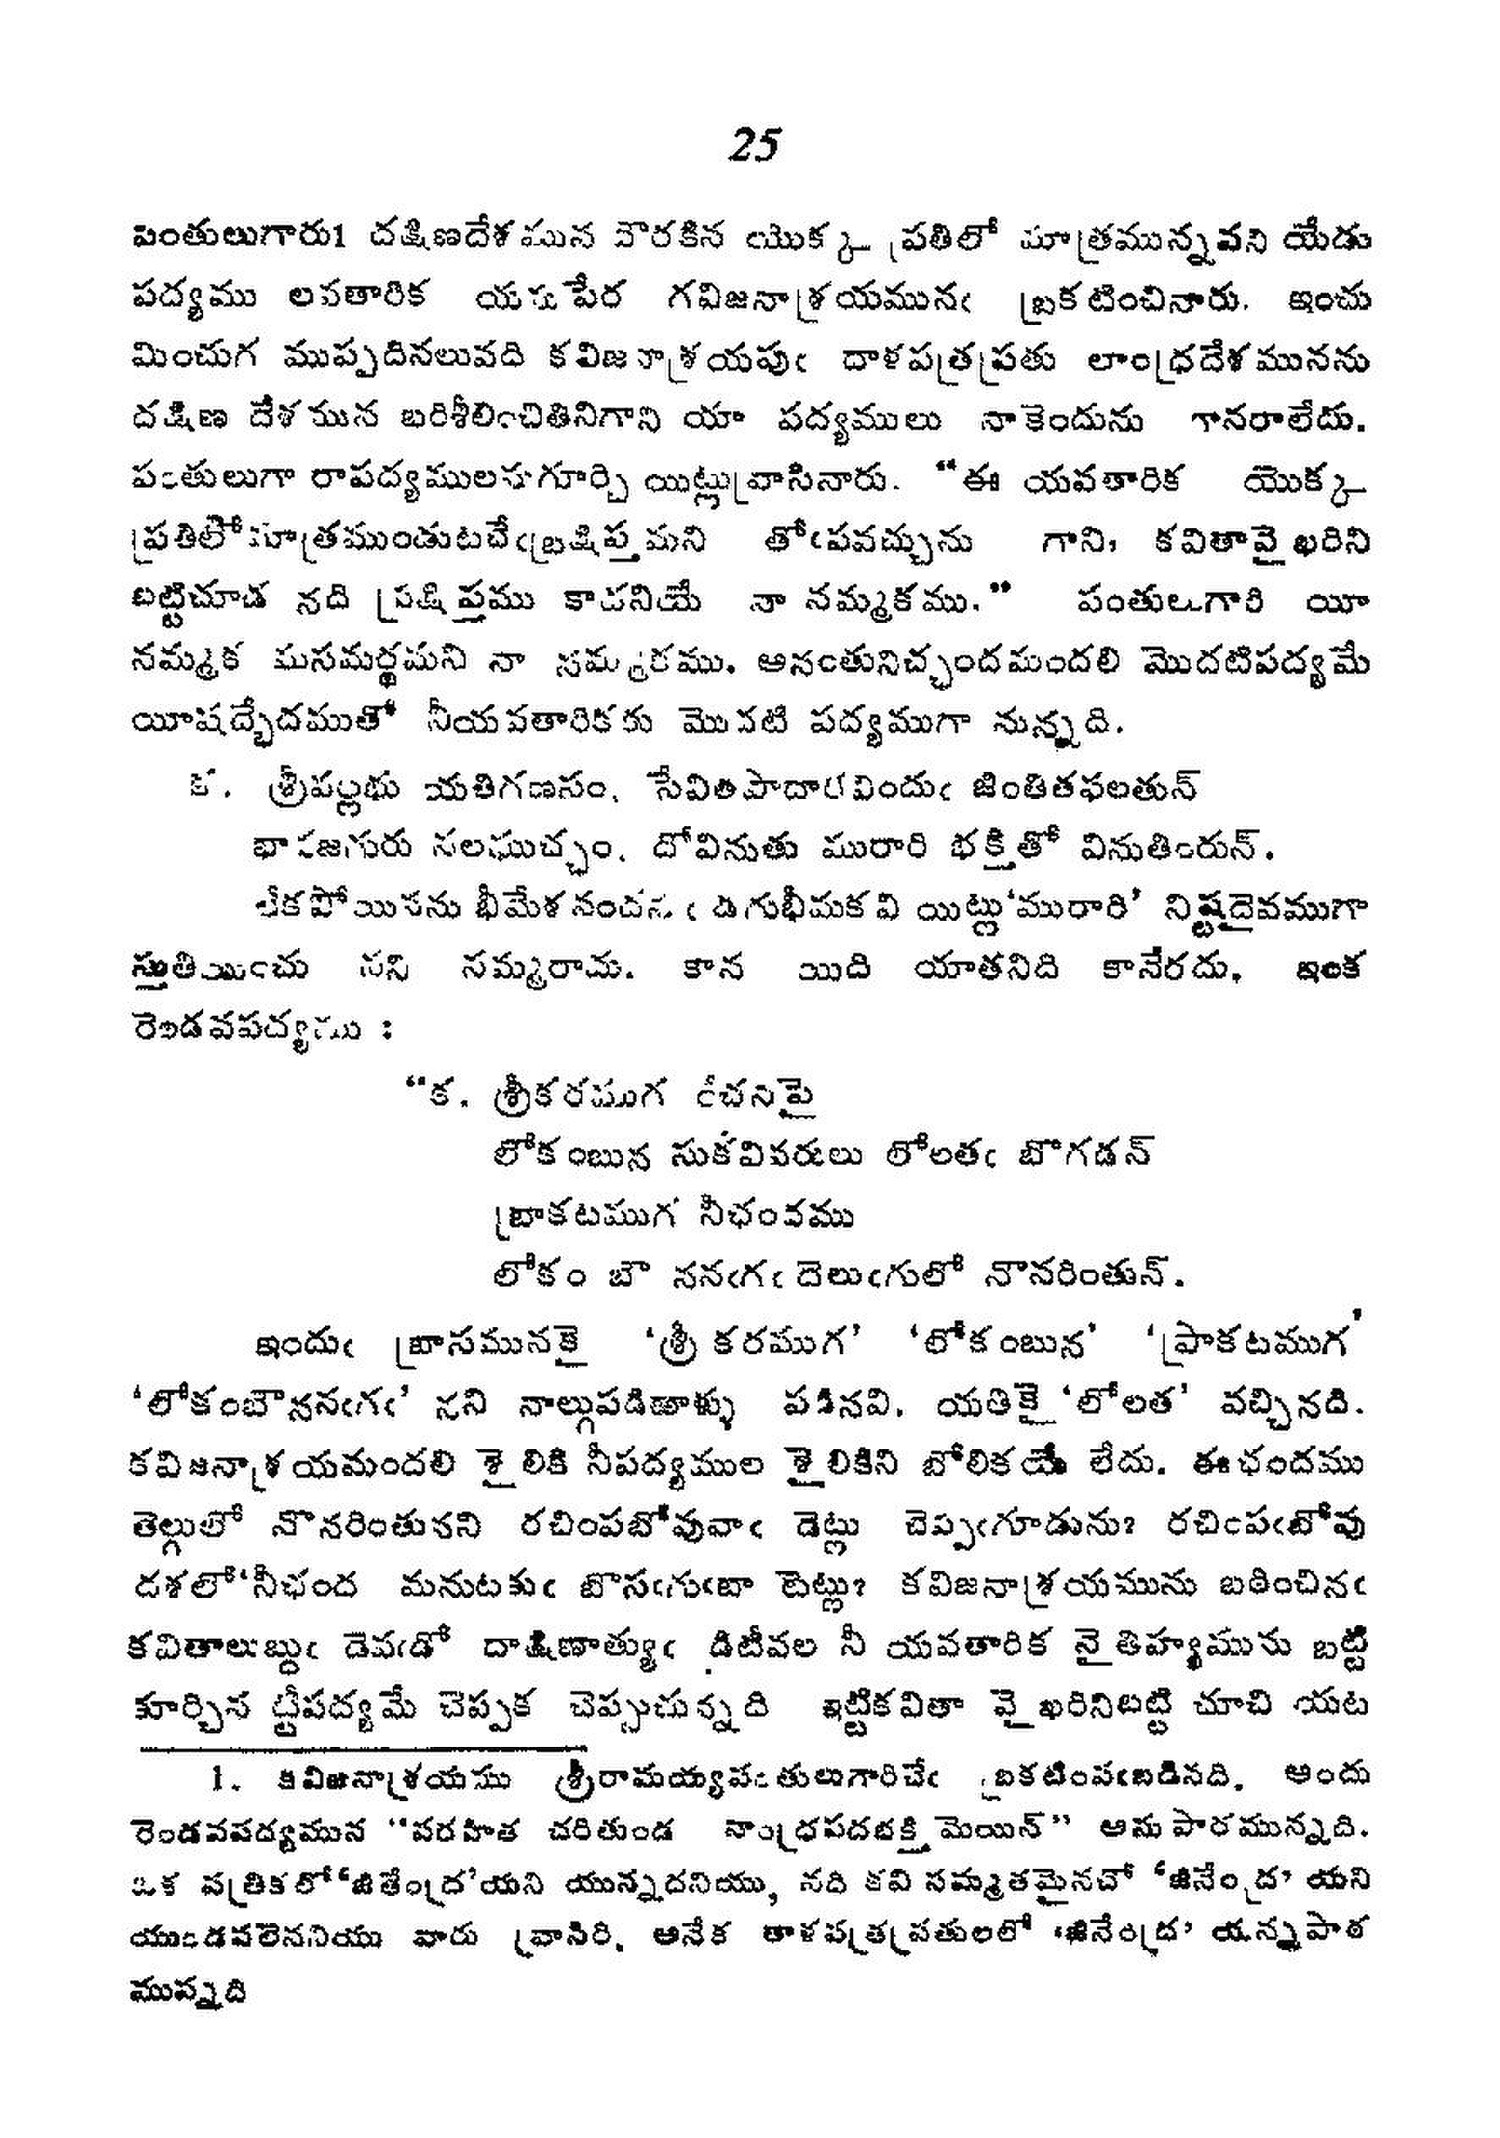పంతులుగారు1 దక్షిణదేశమున దొరకిన యొక్క ప్రతిలో మాత్రమున్నవని యేడు
పద్యము లవతారిక యను పేర గవిజనాశ్రయమునఁ బ్రకటించినారు. ఇంచు
మించుగ ముప్పదినలువది కవి జసాశ్రయపుఁ దాళపత్రప్రతు లాంధ్రదేశమునను
దక్షిణ దేశమున బరిశీలించితిని గాని యా పద్యములు నాకెందును గాన రాలేదు.
పంతులుగా రాపద్యములను గూర్చి యిట్లు వ్రాసినారు.
“ఈ యవతారిక ప్రతిలో మాత్రముండుటచేఁ బ్రక్షిప్త మని తోఁపవచ్చును గాని, కవితా వైఖరిని
బట్టిచూడ నది ప్రక్షి ప్రము కాడనియే నా నమ్మకము." పంతులుగారి
నమ్మక మసమర్థమని నానమ్మము, అనంతునిచ్ఛందమందలి మొదటి పద్యమే
యీష ద్భేదముతో నీయవతారికకు మొదటి పద్యముగా నున్నది.

క. శ్రీపల్లథు యతిగణసం, సేవిత పాదార విందుఁ జింతితఫలతున్
భాసజగురు సలఘుచ్ఛం, దోవినుతు మురారి భక్తితో వినుతింరున్.
లేకపోయిసను భీమేశ నందన. ( డగుభీమక వి యిట్లు 'మురారి' నిష్టదైవముగా
స్తుతించు సని సమ్మరాదు. కాన యాతనిది కానేరదు, ఇంక రెండవ పద్యము :

"క. శ్రీకరముగ రచనపై
లోకంబున సుకవివరులు లోలత్య బొగడన్
బ్రాకటముగ నీఛందము
లోకం బౌ ననఁగఁ దెలుఁగులో నానరింతున్.

ఇందుఁ బ్రాసమునకై శ్రీ కరముగ' ' లోకంబున' 'ప్రాకటముగ'
'లోకంబౌననఁగ' సని నాల్గుపడిఱాళ్ళు పడినవి. యతికై 'లోలత' వచ్చినది.
కవి జనాశ్రయమందలి శైలికి నీపద్యముల శైలికిని బోలికయే లేదు. ఈ ఛందము
తెల్గులో నొనరింతునని రచింపబోవువాఁ డెట్లు చెప్పఁగూడును? రచింపఁబోవు
దశలో నీఛంద మనుటకుఁ బొసఁగుఁబా టెట్లు, కవి జనాశ్రయమును బఠించిన
కవితాలుబ్దు డెవఁడో దాక్షిణాత్యుఁ డిటీవల నీ యవతారిక నైతిహ్యమును బట్టి
కూర్చిన ట్టిపద్యమే చెప్పక చెప్పుచున్నది. ఇట్టికవితా వైఖరిని బట్టి చూచి యట